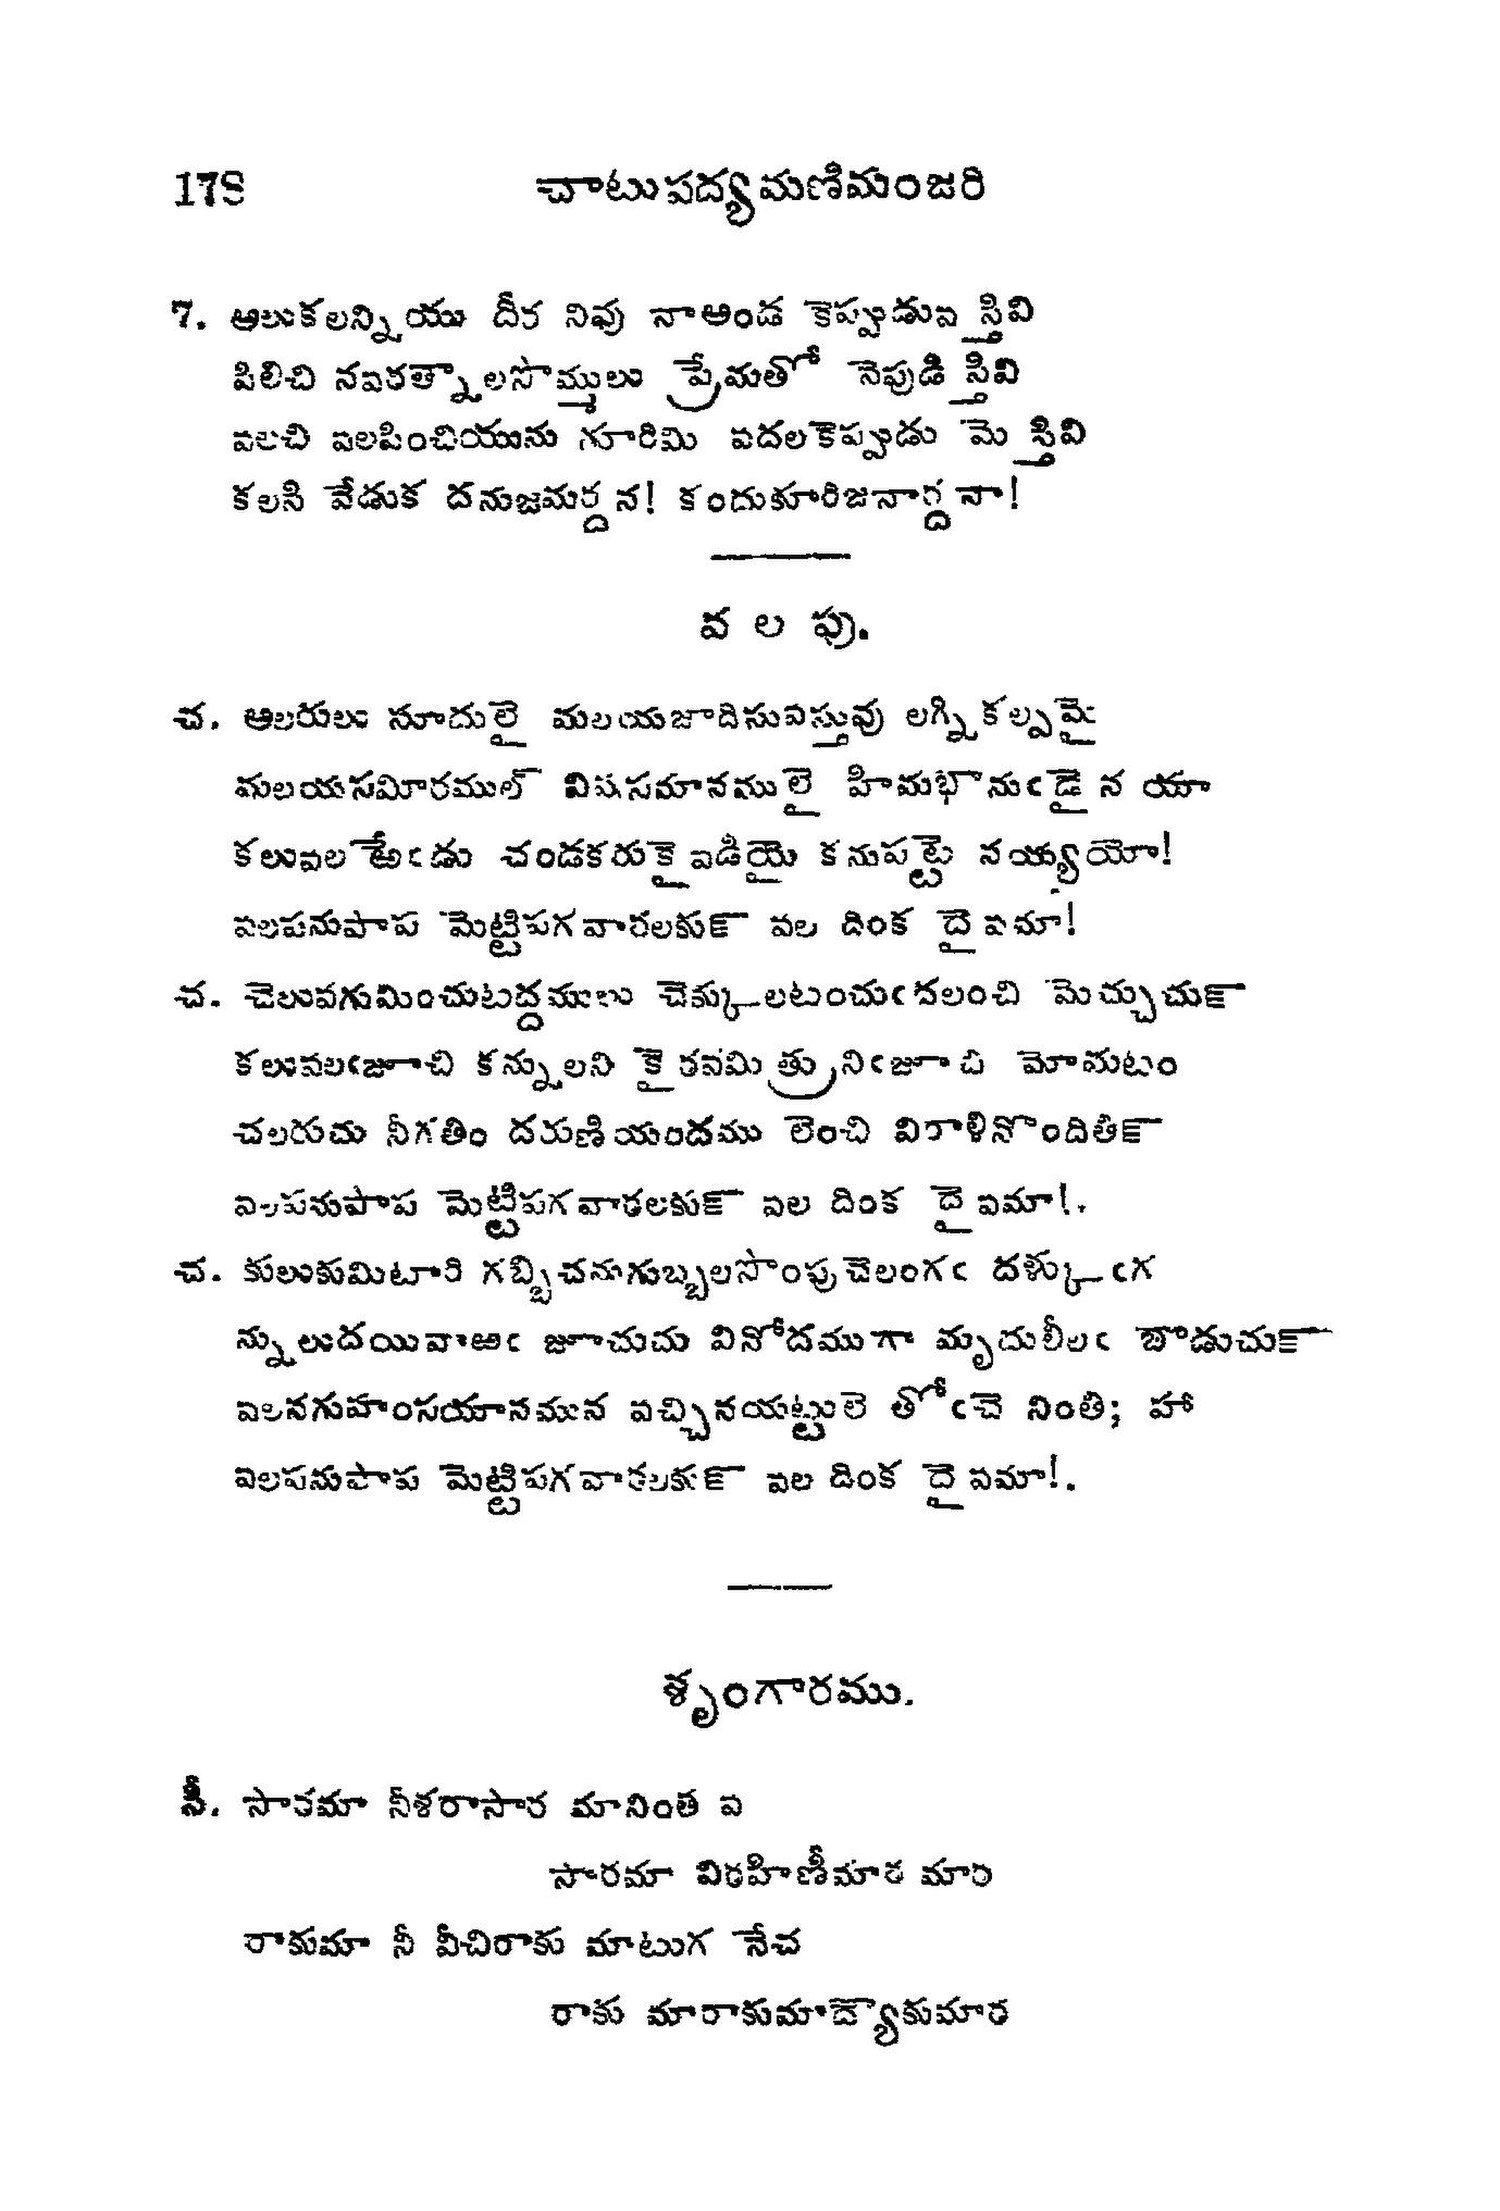7. అలుక లన్నియుఁ దీఱ నివు నాయండ కెప్పుడు వస్తివి
 పిలిచి నవరత్నాలసొమ్ములు ప్రేమతో నెపుడిస్తివి
 వలచి వలపించియును గూరిమి వదలకెప్పుడు మెస్తివి
 కలసి వేడుక దనుజమర్దన! కందుకూరి జనార్దనా!

చ. అలరులు సూదులై మలయజాదిసువస్తువు లగ్నికల్పమై
 మలయసమీరముల్ విషసమానములె హిమభానుఁడైనయా
 కలువలఱేఁడు చండకరుకైవడియై కనుపట్టె నయ్యయో!
 వలపను పాప మెట్టిపగవారలకున్ వల దింక దైవమా!
చ. చెలువగు మించుటద్దములు చెక్కులటంచుఁ దలంచి మెచ్చుచున్
 కలువలఁ జూచి కన్ను లని కైరవమిత్రునిఁ జూచి మోమటం
 చలరుచు నీగతిం దరుణియందము లెంచి విరాళి నొందితిన్
 వలపను పాప మెట్టిపగవారలకున్ వల దింక దైవమా!
చ. కులుకుమిటారి గబ్బిచనుగుబ్బలసొంపు చెలంగఁ దళ్కుఁగ
 న్నులు దయివాఱఁ జూచుచు వినోదముగా మృదులీలఁ బాడుచున్
 వలనగు హంసయానమున వచ్చినయట్టులె తోఁచె నింతి; హా
 వలపను పాప మెట్టిపగవారలకున్ వల దింక దైవమా!

సీ. సారమా నీశరాసార మానింత వ
 సారమా విరహిణీమార మార
 రాకుమా నీ వీచిరాకు మాటుగ నేచ
 రాకు మారాకుమాద్యౌకుమార